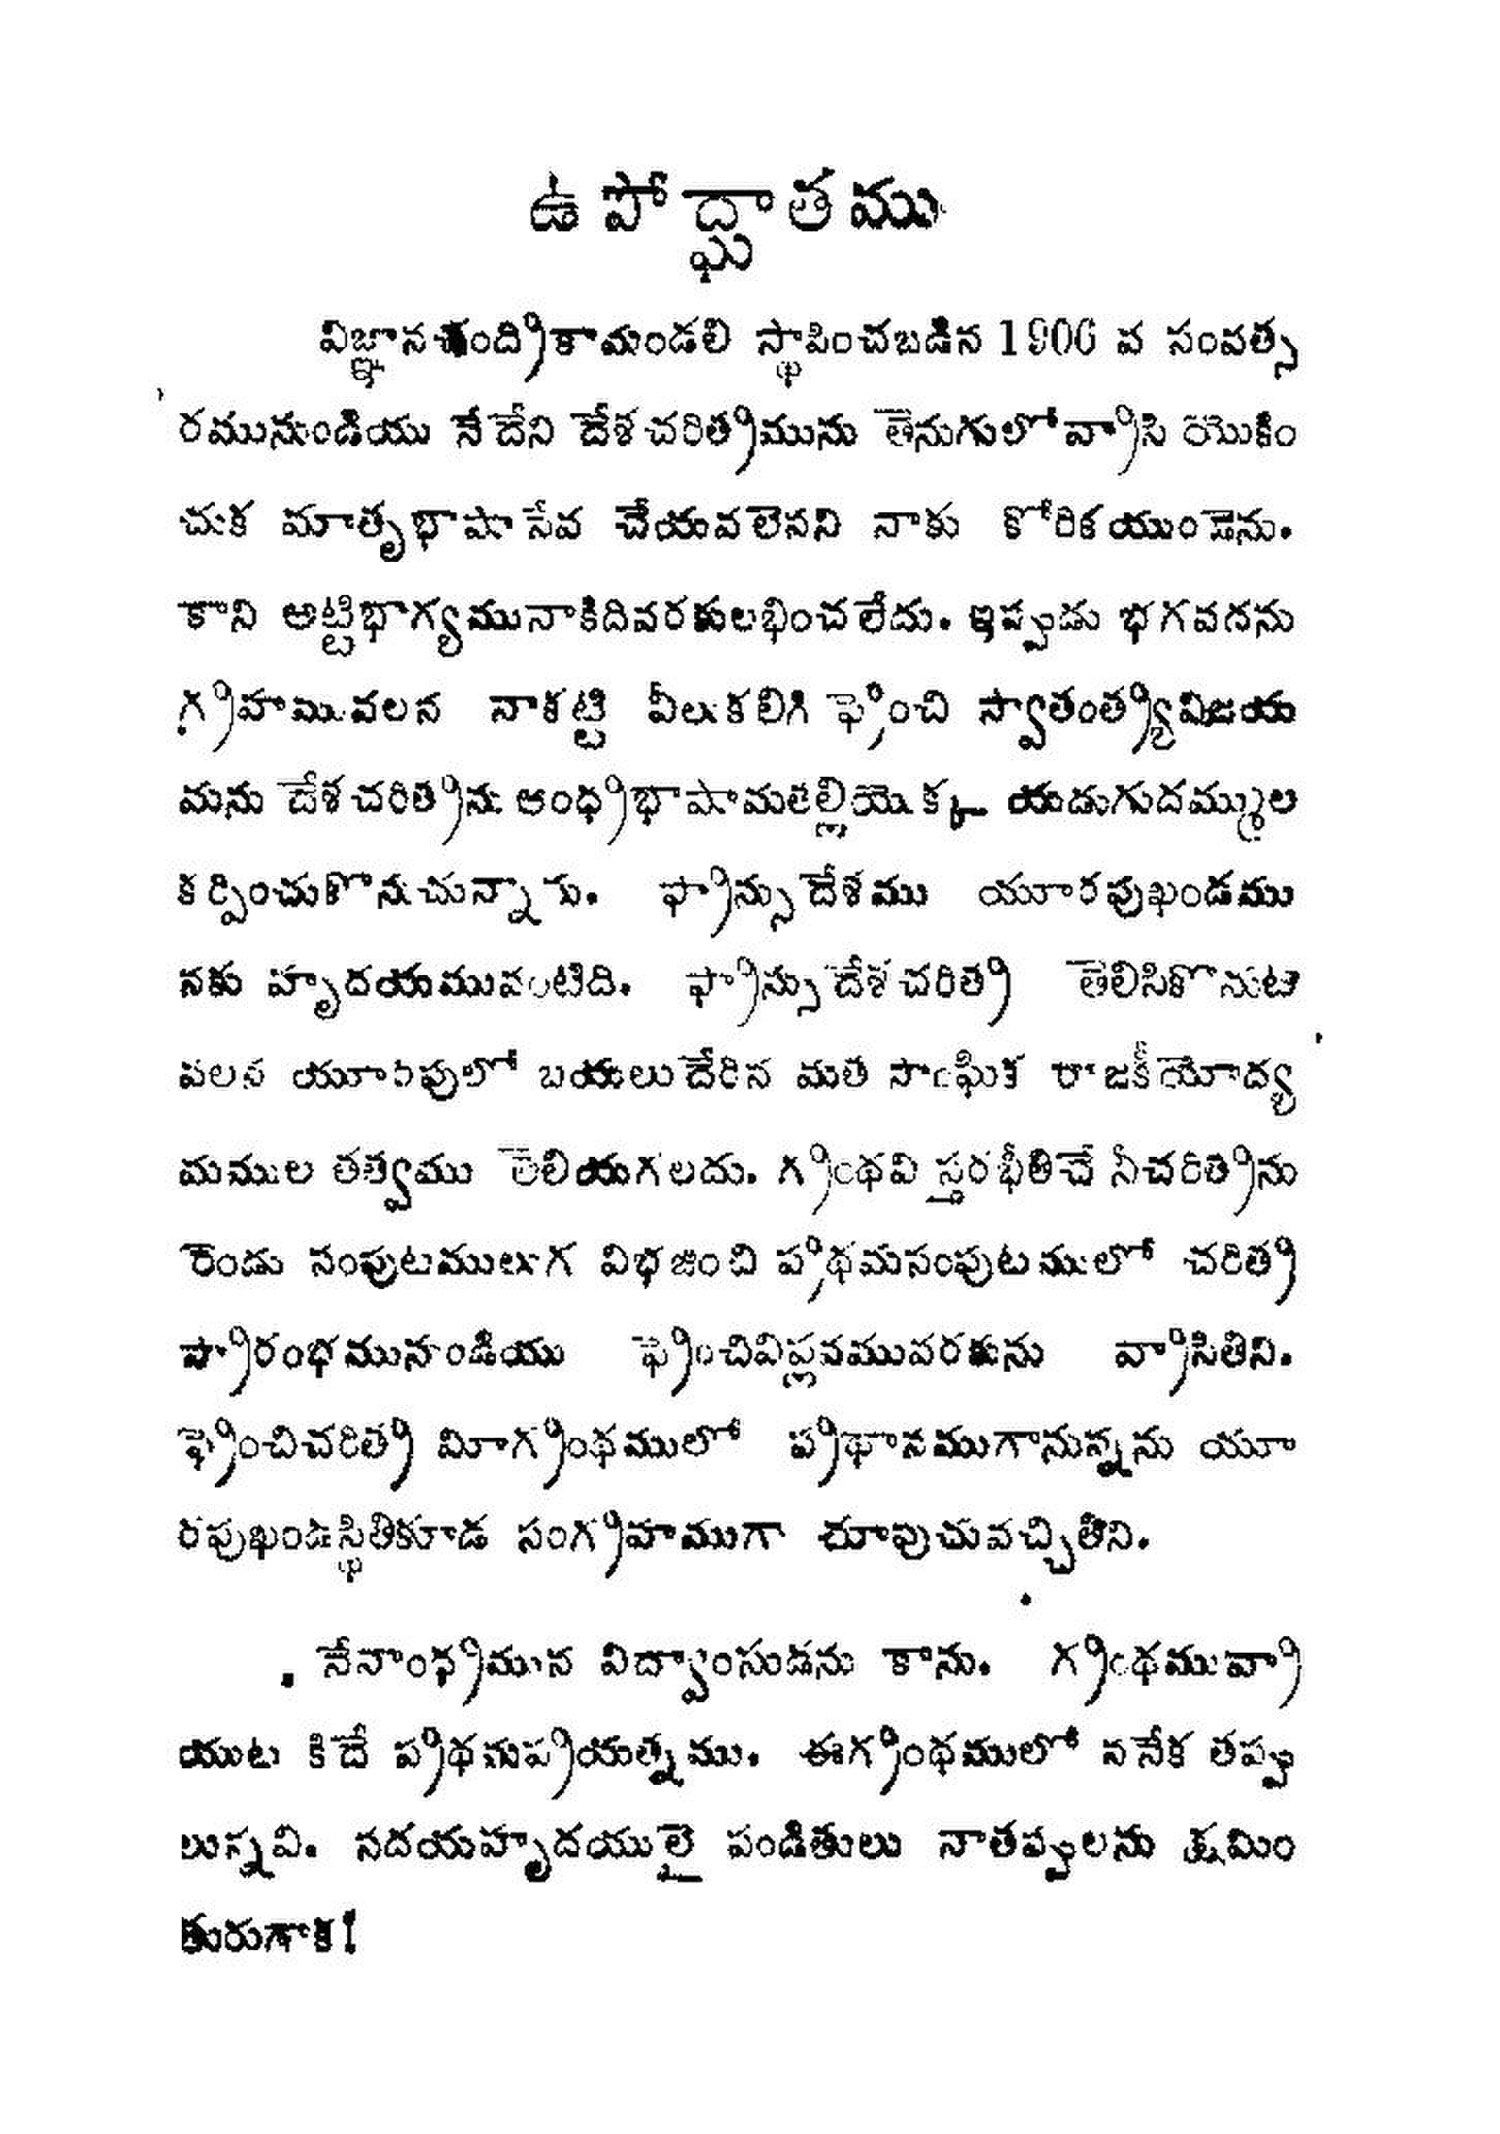విజ్ఞాన చంద్రికామండలి స్థాపించబడిన 1906 వ సంవత్స
రమునుండియు నే దేని దేశ చరిత్రమును తెనుగులో వ్రాసి యొకిం
చుక మాతృభాషా సేవ చేయవలెనని నాకు కోరిక యుండెను.
కాని అట్టి భాగ్యము నాకిదివరకు లభించ లేదు. ఇప్పుడు భగవదను
గ్రహము వలన నాకట్టి వీలు కలిగి ఫ్రెంచి స్వాతంత్య విజయ
మను దేశ చరిత్రను ఆంధ్ర భాషామతల్లి యొక్క యడుగుదమ్ముల
కల్పించుకొనుచున్నారు. ఫోన్సు దేశము యూర పుఖండము
నకు హృదయముషంటిది. ఫొస్సు దేశ చరిత్ర తెలిసికొనుట
పలన యూరపులో బయలు దేరిన మత సొఁఘిక రాజకీ యోద్య'
మముల తత్వము తెలియగలదు. గంధవిస్తర భీతి చే నీచరిత్రను
రెండు సంపుటములుగ విభజించి ప్రధమసంపుటములో చరిత్ర
ప్రారంభమునుండియు ఫ్రెంచి విప్లవమువరకును వ్రాసితిని.
ప్రెంచిచరిత్ర మీగ్రంథములో ప్రధానముగానున్నను యూ
రఫు ఖండ స్థితికూడ సంగ్రహముగా చూపుచువచ్చితిని.

నేనాంధ్రదేశమున విద్వాంసుడను కాను. గ్రంథము వ్రా
యుట కిదే ప్రథమప్రయత్నము. ఈ గ్రంధములో న నేక తప్పు
లున్నవి. సదయహృదయులై పండితులు నాతప్పులను క్షమిం
కురుగాక.
.